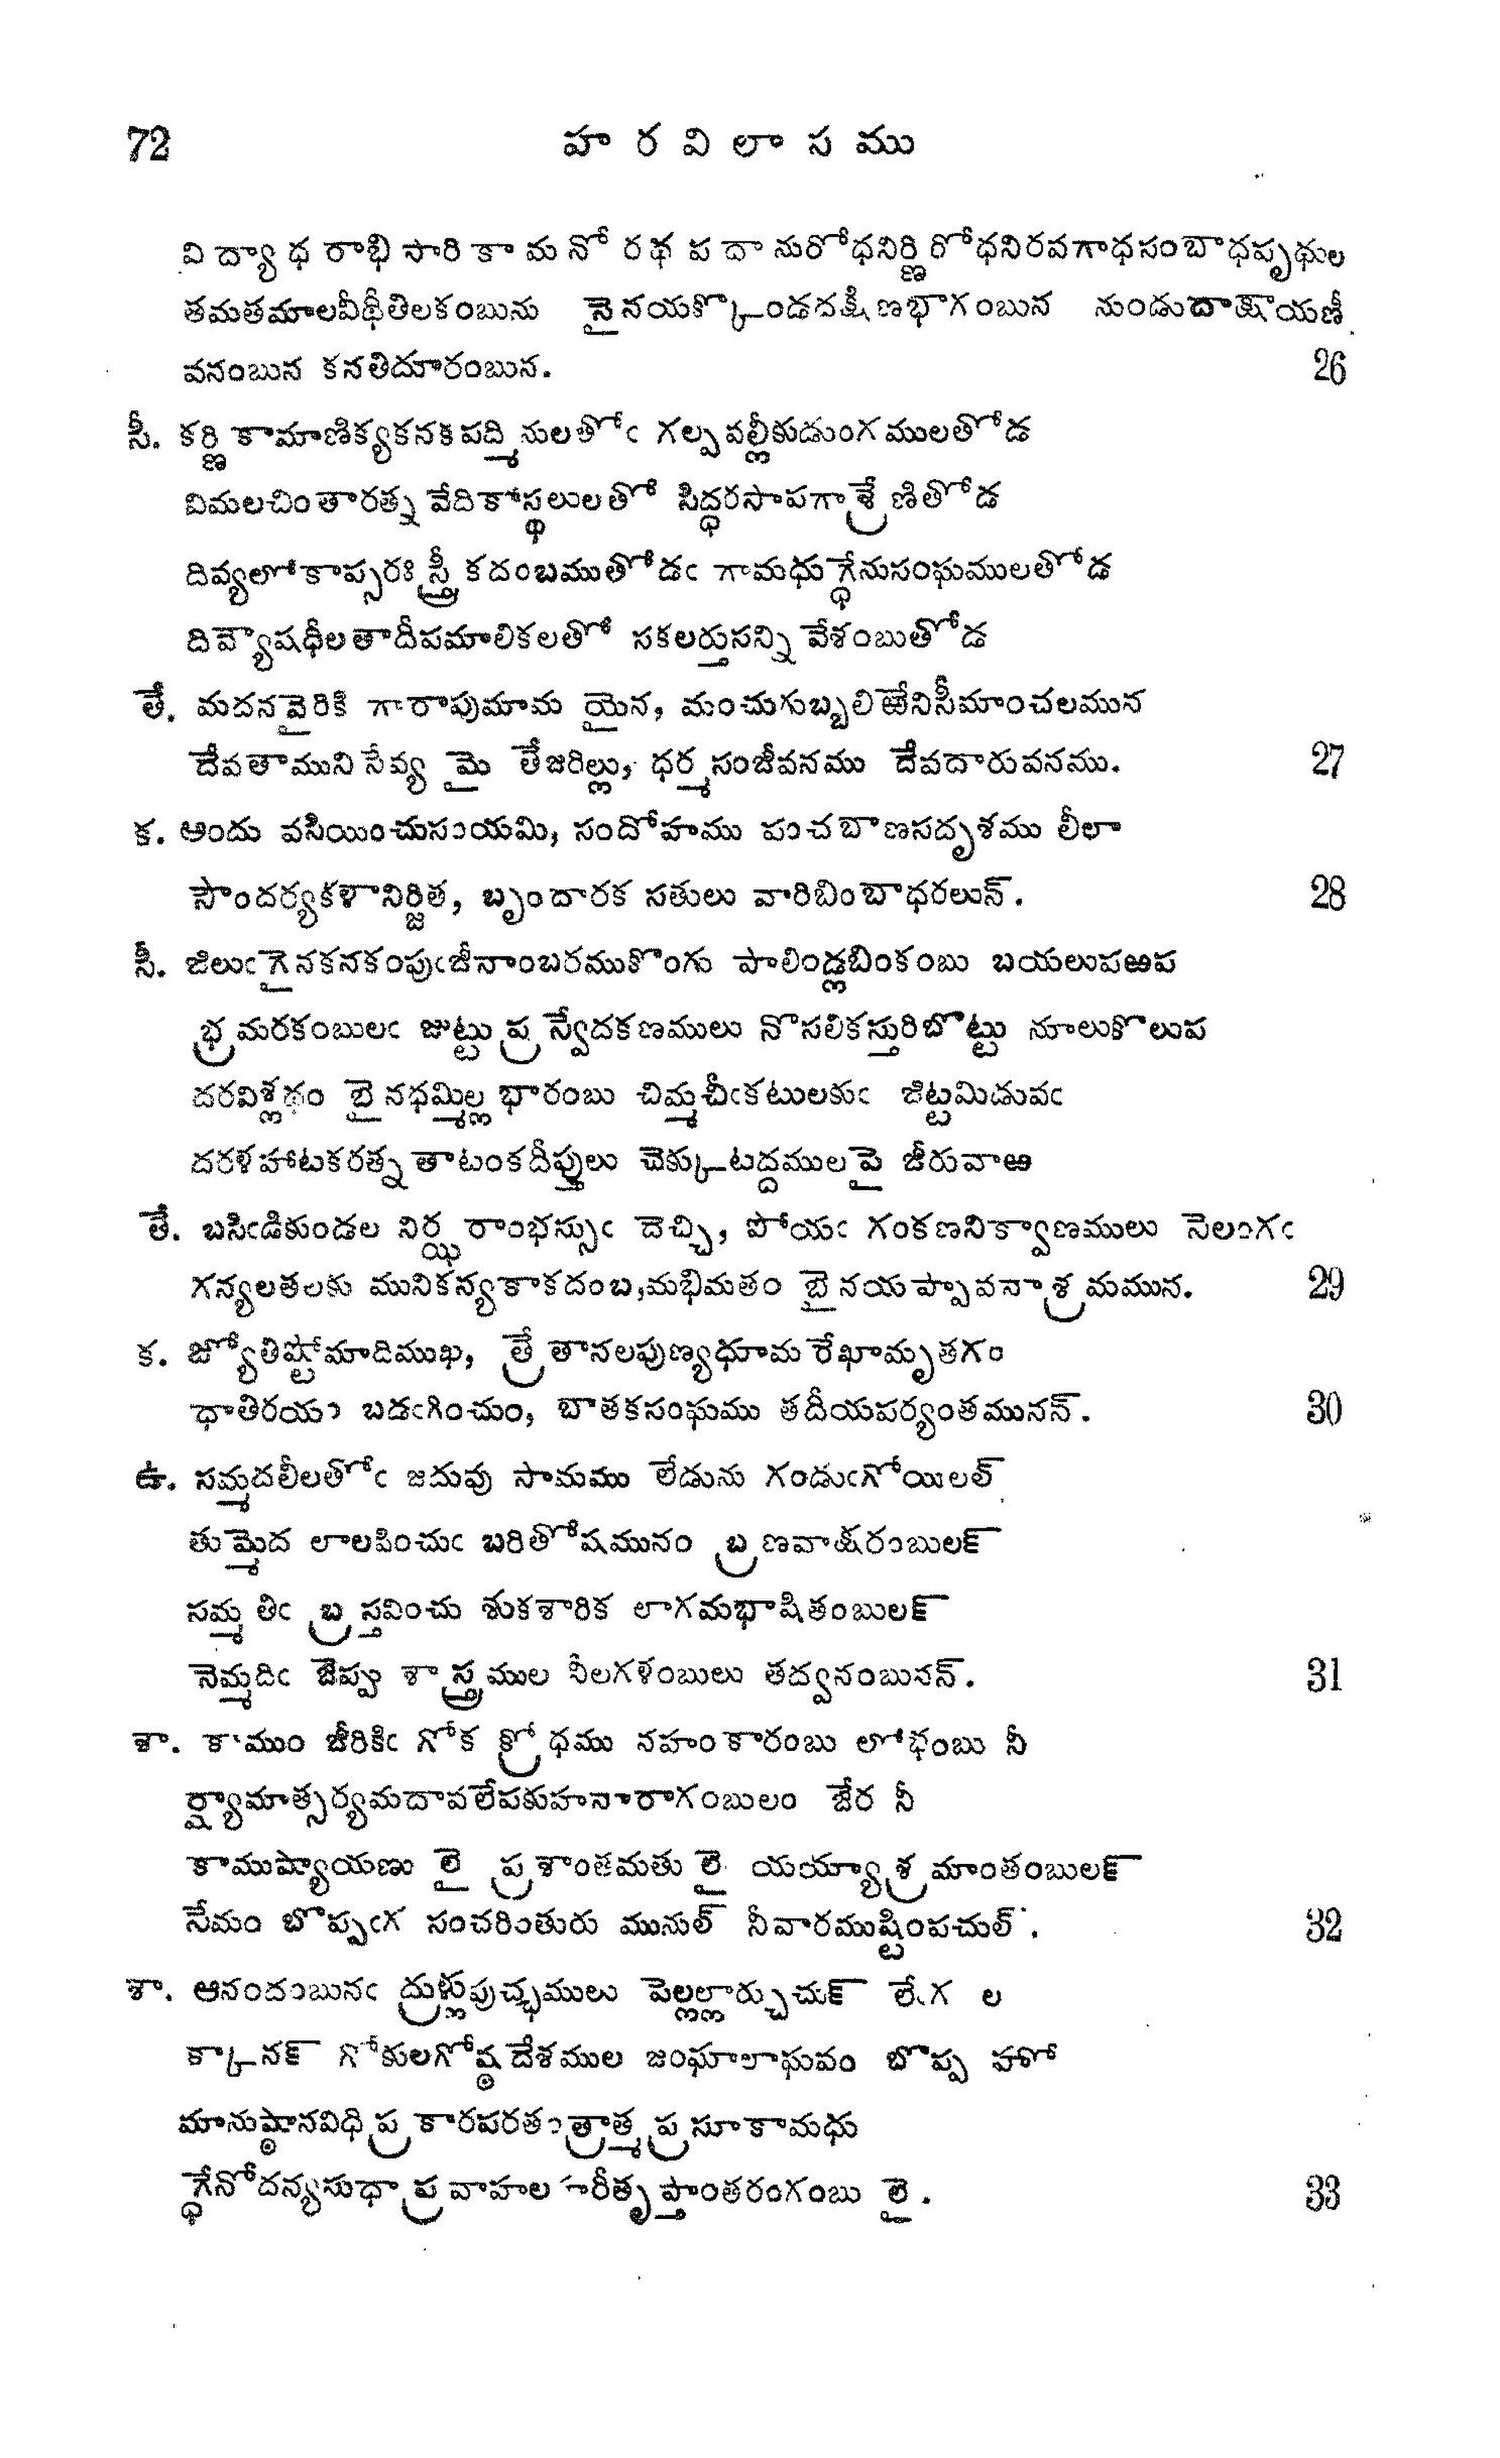విద్యాధరాభిసారికామనోరథపదానురోధనిర్ణిరోధనిరవగాఢసంబాధప్పథులతమతమాలవీథీతిలకంబును నైననయక్కొండదక్షిణభాగంబున నుండుదాక్షాయణీవనంబున కనతిదూరంబున. 26

సీ. కర్ణికామాణిక్యకనకపద్మినులతోఁ గల్పవల్లీకుడుంగములతోడ
విమలచింతారత్నవేదికాస్థలులతో సిద్ధరసాపగాశ్రేణితోడ
దివ్యలోకాప్సరఃస్త్రీకదంబముతోడఁ గామధుగ్ధేనుసంఘములతోడ
దివ్యౌషధీలతాదీపమాలికలతో సకలర్తుసన్నివేశంబుతోడ
తే. మదనవైరికి గారాపుమామ యైన, మంచుగుబ్బలిఱేని సీమాంచలమున
దేవతామునిసేవ్యమై తేజరిల్లు, ధర్మసంజీవనము దేవదారువనము. 27

క. అందు వసియించు సంయమి, సందోహము పంచబాణసదృశము లీలా
సౌందర్యకళానిర్జిత, బృందారకసతులు వారిబింబాధరలున్. 28

సీ. జిలుఁగైనకనకంపుఁజీనాంబరముకొంగు పాలిండ్లబింకంబు బయలుపఱప
భ్రమరకంబులఁ జుట్టుప్రస్వేదకణములు నొసలికస్తురిబొట్టు నూలుకొలుప
దరవిశ్లథం బైనధమ్మిల్లభారంబు చిమ్మచీఁకటులకుఁ జిట్టమిడువఁ
దరళహాటకరత్నతాటంకదీప్తులు చెక్కుటద్దములపై జీరువాఱ
తే. బసిఁడికుండల నిర్ఝరాంభస్సుఁ దెచ్చి, పోయఁ గంకణనిక్వాణములు సెలంగఁ
గన్యలతలకు మునికన్యకాకదంబ,మభిమతం బైనయప్పావనాశ్రమమున. 29

క. జ్యోతిప్టోమాదిముఖ, త్రేతానలపుణ్యధూమరేఖామృతగం
ధాతిరయం బడఁగించుం, బాతకసంఘము తదీయపర్యంతమునన్. 30

ఉ. సమ్మదలీలతోఁ జదువు సామము లేడును గండుఁగోయిలల్
తుమ్మెద లాలపించుఁ బరితోషమునం బ్రణవాక్షరంబులన్
సమ్మతిఁ బ్రస్తవించు శుకశారిక లాగమభాషితంబులన్
నెమ్మదిఁ జెప్పు శాస్త్రముల నీలగళంబులు తద్వనంబునన్. 31

శా. కాముం జీరికిఁ గోక క్రోధము నహంకారంబు లోభంబు నీ
ర్ష్యామాత్సర్యమదావలేపకుహనారాగంబులం జేర నీ
కాముష్యాయణు లై ప్రశాంతమతు లై యయ్యాశ్రమాంతంబుల౯
సేమం బొప్పఁగ సంచరింతురు మునుల్ నీవారముష్టింపచుల్. 32

శా. ఆనందంబునఁ ద్రుళ్లుపుచ్ఛములు పెల్లల్లార్చుచున్ లేఁగ ల
క్కానన్ గోకులగోష్ఠదేశముల జంఘాలాఘవం బొప్ప హో
మానుష్ఠానవిధిప్రకారపరతంత్రాత్మప్రసూకామధు
గ్ధోనోదన్యసుధాప్రవాహలహరీతృప్తాంతరంగంబు లై. 33